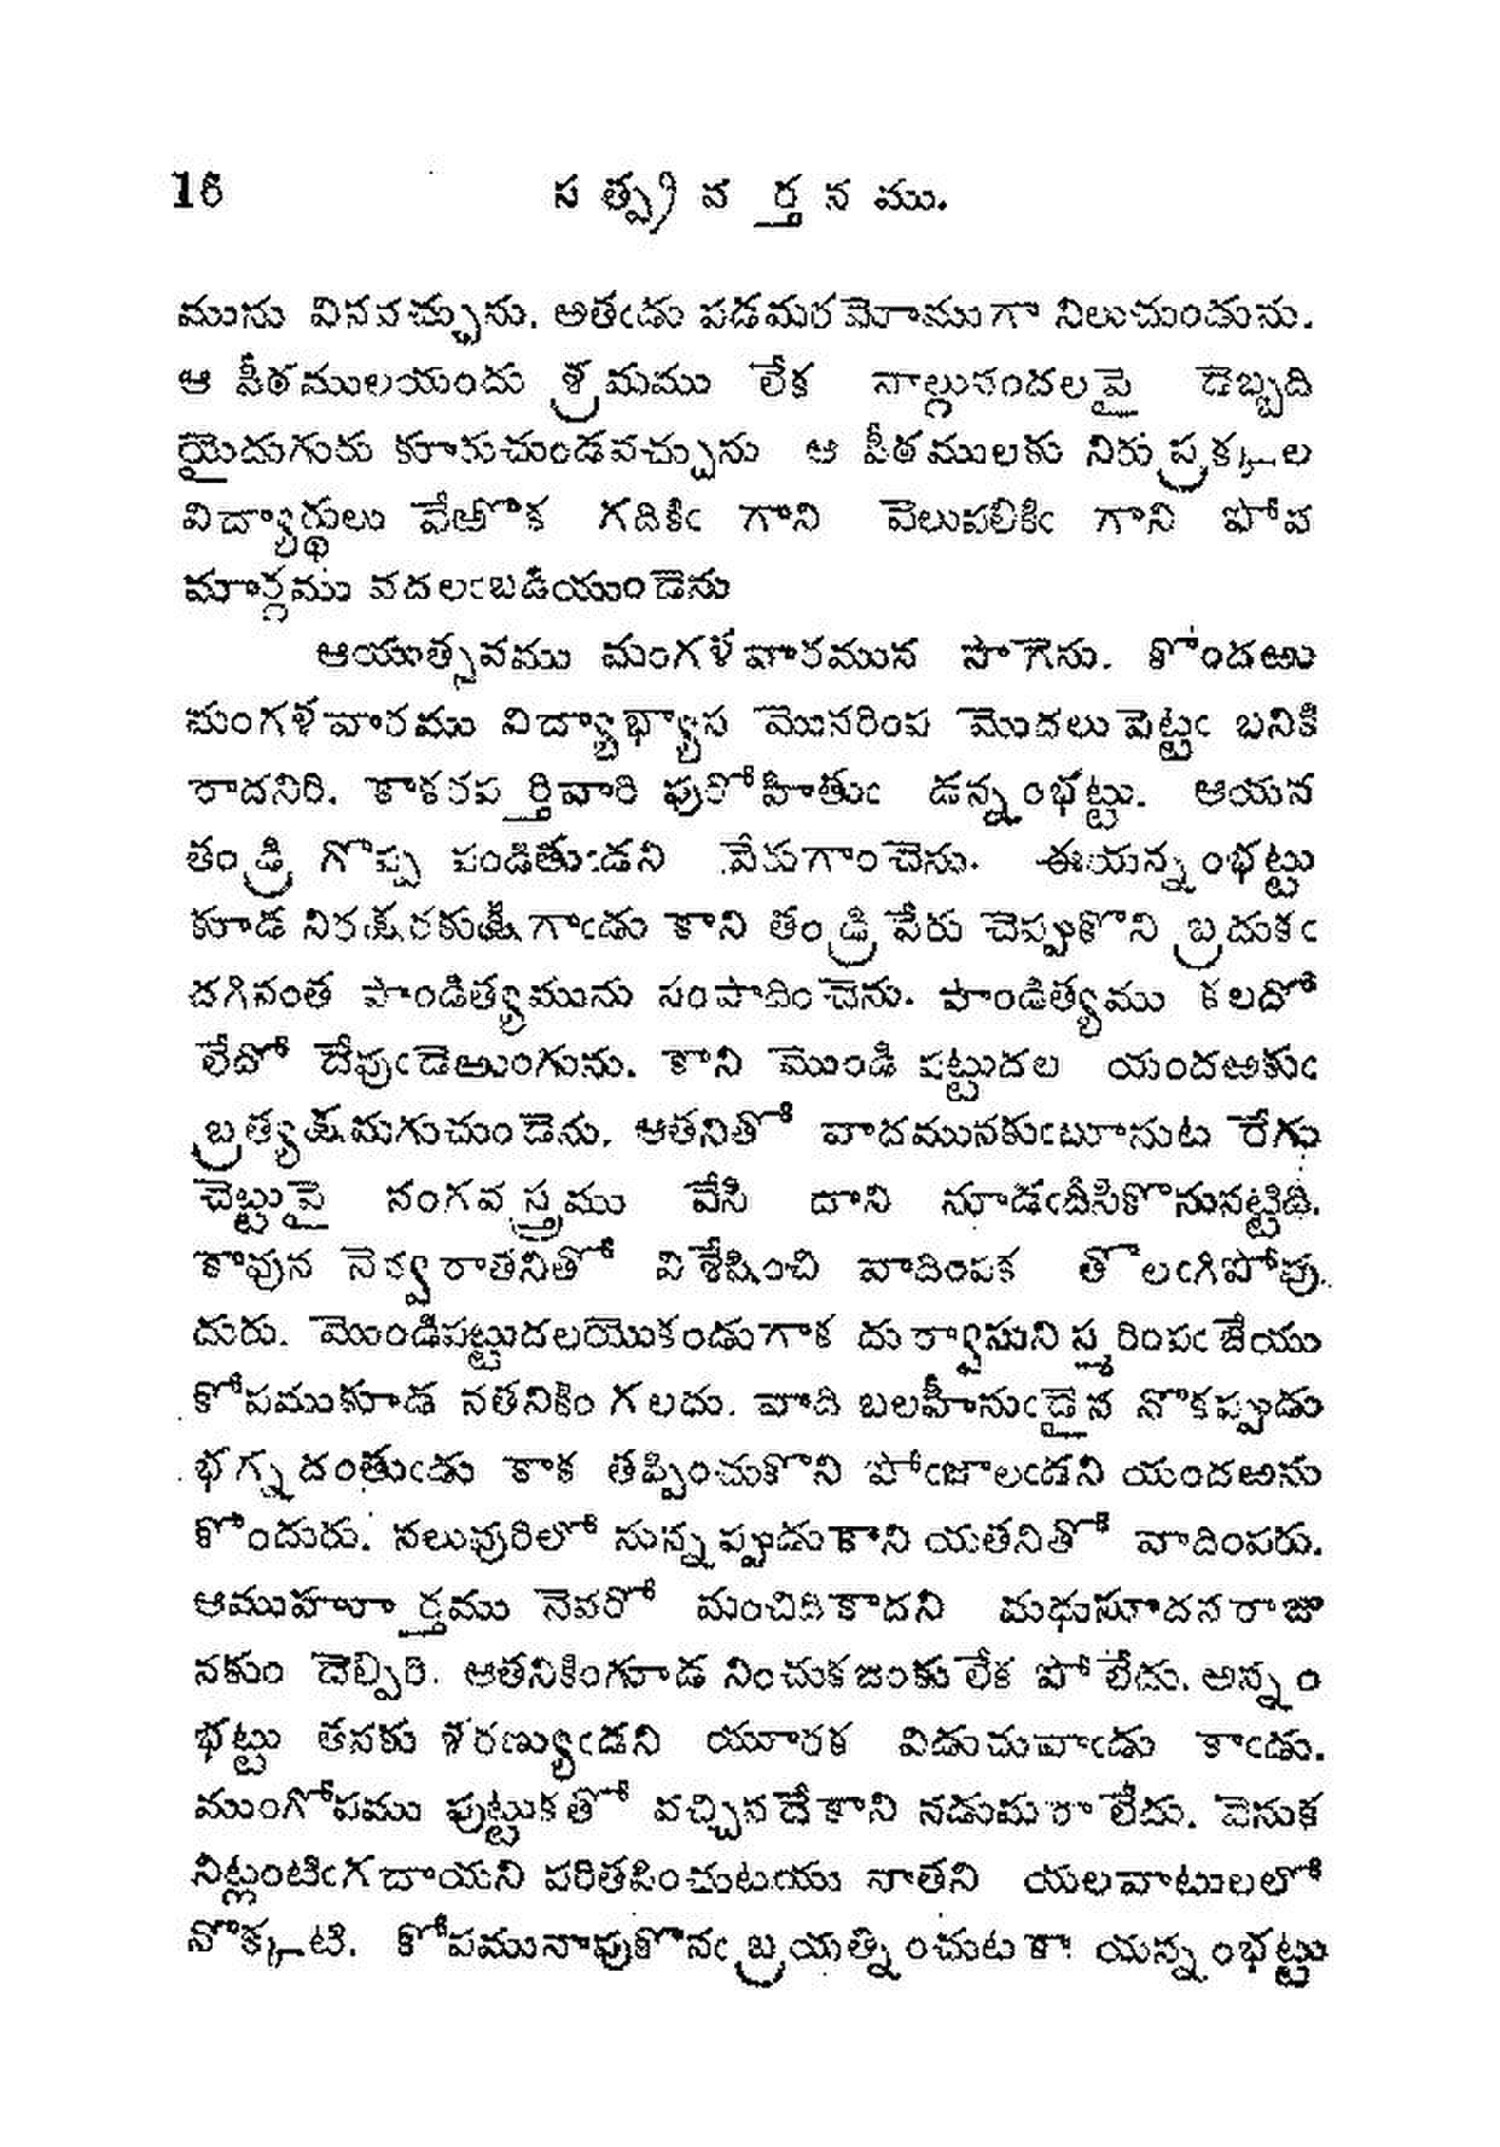మును వినవచ్చును. అతఁడు పడమరమోముగా నిలుచుండును. ఆ పీఠములయందు శ్రమము లేక నాల్గునందలపై డెబ్బది యెదుగురు కూరుచుండవచ్చును ఆ పీఠములకు నిరు పక్కల విద్యార్థులు వేరొక గదికిఁ గొని వెలుపలికి గాని పోవ మార్గము వదలఁబడియుండెను.

ఆయుత్సవము మంగళవారమున సాగెను. కొందఱు మంగళ వారము విద్యా భ్యాస మొనరింప మొదలు పెట్టఁ బనికి 'రాదనిరి. కానపర్తివారి పురోహితుఁ డన్నంభట్టు. ఆయన తండ్రి, గొప్ప పండితుడని పేరుగాంచెను. ఈయన్నంభట్టు కూడ నిరక్షర కుక్షి గాఁడు కాని తండ్రి పేరు చెప్పుకొని బ్రదుక దగినంత పొండిత్యమును సంపాదించెను. పొండిత్యము గలదో "లేదో దేవుఁడెఱుంగును. కాని "మొండి పట్టుదల యందఱకుఁ బ్రత్యక్షునుగుచుండెను. అతనితో వాదమునకుఁ బూనుట రేగు చెట్టుపై సంగవస్త్రము వేసి దాని నూడఁదీసికొనునట్టిది. "కావున నేవ్వరాతనితో విశ్లేషించి వాదింపక తొలఁగిపోపుదురు. "మొండిపట్టుదలయొకండుగాక దుర్వాసుని స్తరింపఁ జేయు కోపము కూడ నతనికిం గలధు. వాడి బలహీనుఁడైన నొకప్పుడు భగ్నదంతుఁడు కాక తప్పించుకొని 'పోంజాలఁడని యందఱను కొందురు. నలుగురిలో నున్నప్పుడుకాని యతనితో వాదింపరు. ఆముహూర్తము నెవరో మంచిది కాదని మధుసూదన రాజు నకుం దెల్పిరి. అతనికింగూడ నించుకజంకు లేక పోలేదు. అన్నం భట్టు తనకు శరణ్యుఁడని యూరక విడుచువాఁడు కాఁడు. ముంగోపము పుట్టుకతో వచ్చినదే కాని నడుమ రాలేదు. వెనుక నిట్లంటిఁగదాయని పరితపించుటయు నాతని యలవాటులలో నొక్కటి. కోపమునాపుకొనఁ బ్రయత్నించుట - యన్నంభట్టు